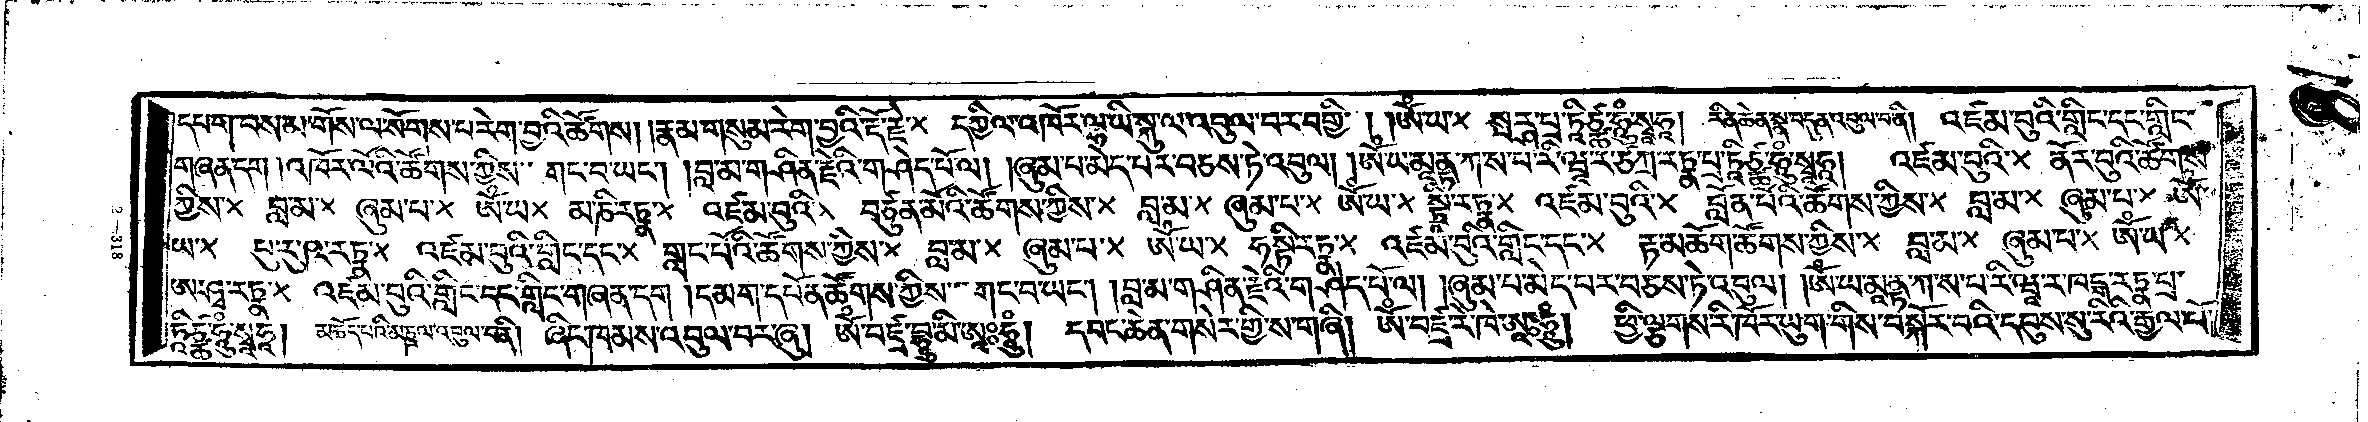དཔག་བསམ་གོས་ལ་སོགས་པ་རེག་བྱའི་ཚོགས། །རྣམ་གསུམ་རེག་བྱའི་རྡོ་རྗེ྾་དཀྱིལ་འཁོར་ལྷ་ཡི་སྐུ་ལ་འབུལ་བར་བགྱི། །ཨོཾ་ཡ྾་སརྤ་པྲ་ཏཱིཙྪ་ཧཱུཾ་སྭཱཧཱ། རིན་ཆེན་སྣ་བདུན་འབུལ་བ་ནི།  འཛམ་བུའི་གླིང་དང་གླིང་
གཞན་དག །འཁོར་ལོའི་ཚོགས་ཀྱིས་གང་བ་ཡང་། །བླ་མ་གཤིན་རྗེའི་གཤེད་པོ་ལ། །ཞུམ་པ་མེད་པར་བཅས་ཏེ་འབུལ། །ཨོཾ་ཡམཱནྟ་ཀ་ས་པ་རི་ཝཱ་ཙྐྲ་རཏྣ་པྲ་ཏིཙྪ་ཧཱུཾ་སྭཱཧཱ། འཛམ་པུའི྾་ནོར་བུའི་ཚོགས་
ཀྱིས྾་བླ་མ྾་ཞུམ་པ྾་ཨོཾ་ཡ྾་ན་ཎི་རཏྣ྾་འཛམ་བུའི྾་བཙུན་མོའི་ཚོགས་ཀྱིས྾་བླ་མ྾་ཞུམ་པ྾་ཨོཾ་ཡ྾་སྟཱི་རཏྣ྾་འཛམ་བུའི྾་བློན་པའི་ཚོགས་ཀྱིས྾་བླ་མ྾་ཞུམ་པ྾་ཨོ་
ཡ྾་པུ་རུ་ཥ་རཏྣ྾་འཛམ་བུའི་གླིང་དང྾་གླང་པོའི་ཚོགས་ཀྱིས྾་བླ་མ྾་ཞུམ་པ྾་ཨོཾ་ཡ྾་ཧསྟི་རཏྣ྾་འཛམ་བུའི་གླིང་དང྾་རྟ་མཆོག་ཚོགས་ཀྱིས྾་བླ་མ྾་ཞུམ་པ྾་ཨོཾ་ཡ྾་
ཨ་ཤྭ་རཏྣ྾་འཛམ་བུའི་གླིང་དང་གླིང་གཞན་དག །དམག་དཔོན་ཚོགས་ཀྱིས་གང་བ་ཡང་། །བླ་མ་གཤིན་རྗེའི་གཤེད་པོ་ལ། །ཞུམ་པ་མེད་པར་བཅས་ཏེ་འབུལ། །ཨོཾ་ཡ་མཱནྟ་ཀ་ས་པ་རི་ཝཱ་ར་ཁངྒ་རཏྣ་པྲ་
ཏཱིཙྪ་ཧཱུཾ་སྭཱཧཱ། མཆོད་པའི་མཎྜལ་འབུལ་བ་ནི།  ཞིང་ཁམས་འབུལ་བར་ཞུ། ཨོཾ་བཛྲ་བྷཱུ་མི་ཨཱཿཧཱུཾ། དབང་ཆེན་གསེར་གྱི་ས་གཞི། ཨོཾ་བཛྲ་རེ་ཁེ་ཨཱཿཧཱུཾ། ཕྱི་ལྕགས་རི་ཁོར་ཡུག་གིས་བསྐོར་བའི་དབུས་སུ་རིའི་རྒྱལ་པོ་